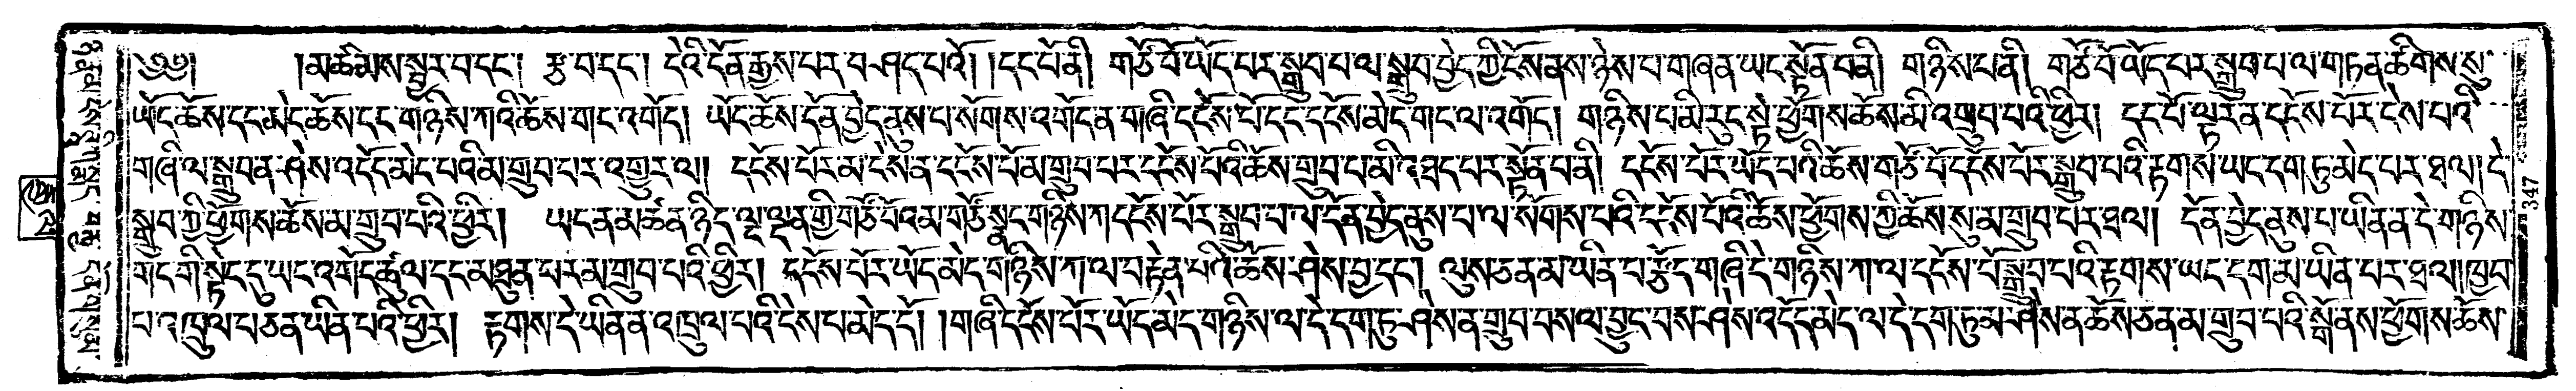༄༅། །མཚམས་སྦྱར་བ་དང་། རྩ་བ་དང་། དེའི་དོན་རྒྱས་པར་བཤད་པའོ། །དང་པོ་ནི། གཙོ་བོ་ཡོད་པར་སྒྲུབ་པ་ལ་སྒྲུབ་བྱེད་ཀྱི་ངོས་ནས་ཉེས་པ་གཞན་ཡང་སྟོན་པ་ནི། གཉིས་པ་ནི། གཙོ་བོ་ཡོད་པར་སྒྲུབ་པ་ལ་གཏན་ཚིགས་སུ་
ཡོད་ཆོས་དང་མེད་ཆོས་དང་གཉིས་ཀའི་ཆོས་གང་འགོད། ཡོད་ཆོས་དོན་བྱེད་ནུས་པ་སོགས་འགོད་ན་གཞི་དངོས་པོ་དང་དངོས་མེད་གང་ལ་འགོད། གཉིས་པ་མི་རུང་སྟེ་ཕྱོགས་ཆོས་མི་འགྲུབ་པའི་ཕྱིར། དང་པོ་ལྟར་ན་དངོས་པོར་ངེས་པའི་
གཞི་ལ་སྒྲུབ་ན་ཤེས་འདོད་མེད་པའི་མ་གྲུབ་པར་འགྱུར་ལ། དངོས་པོར་མ་ངེས་ན་དངོས་པོ་མ་གྲུབ་པར་དངོས་པོའི་ཆོས་གྲུབ་པ་མི་འཐད་པར་སྟོན་པ་ནི། དངོས་པོར་ཡོད་པའི་ཆོས་གཙོ་བོ་དངོས་པོར་སྒྲུབ་པའི་རྟགས་ཡང་དག་ཏུ་མེད་པར་ཐལ། དེ་
སྒྲུབ་ཀྱི་ཕྱོགས་ཆོས་མ་གྲུབ་པའི་ཕྱིར། ཡང་ན་མཚན་ཉིད་ལྔ་ལྡན་གྱི་གཙོ་བོའམ་གཙོ་སྣང་གཉིས་ཀ་དངོས་པོར་སྒྲུབ་པ་ལ་དོན་བྱེད་ནུས་པ་ལ་སོགས་པའི་དངོས་པོའི་ཆོས་ཕྱོགས་ཀྱི་ཆོས་སུ་མ་གྲུབ་པར་ཐལ། དོན་བྱེད་ནུས་པ་ཡིན་ན་དེ་གཉིས་
གང་གི་སྟེང་དུ་ཡང་འགོད་ཚུལ་དང་མཐུན་པར་མ་གྲུབ་པའི་ཕྱིར། དངོས་པོར་ཡོད་མེད་གཉིས་ཀ་ལ་བརྟེན་པའི་ཆོས་ཤེས་བྱ་དང་། ལུས་ཅན་མ་ཡིན་པ་རྩོད་གཞི་དེ་གཉིས་ཀ་ལ་དངོས་པོ་སྒྲུབ་པའི་རྟགས་ཡང་དག་མ་ཡིན་པར་ཐལ། ཁྱབ་
པ་འཁྲུལ་པ་ཅན་ཡིན་པའི་ཕྱིར། རྟགས་དེ་ཡིན་ན་འཁྲུལ་པའི་ངེས་པ་མེད་དོ། །གཞི་དངོས་པོར་ཡོད་མེད་གཉིས་ལ་དེ་དག་ཏུ་ཤེས་ན་གྲུབ་བསལ་བྱུང་བས་ཤེས་འདོད་མེད་ལ་དེ་དག་ཏུ་མ་ཤེས་ན་ཆོས་ཅན་མ་གྲུབ་པའི་སྒོ་ནས་ཕྱོགས་ཆོས་